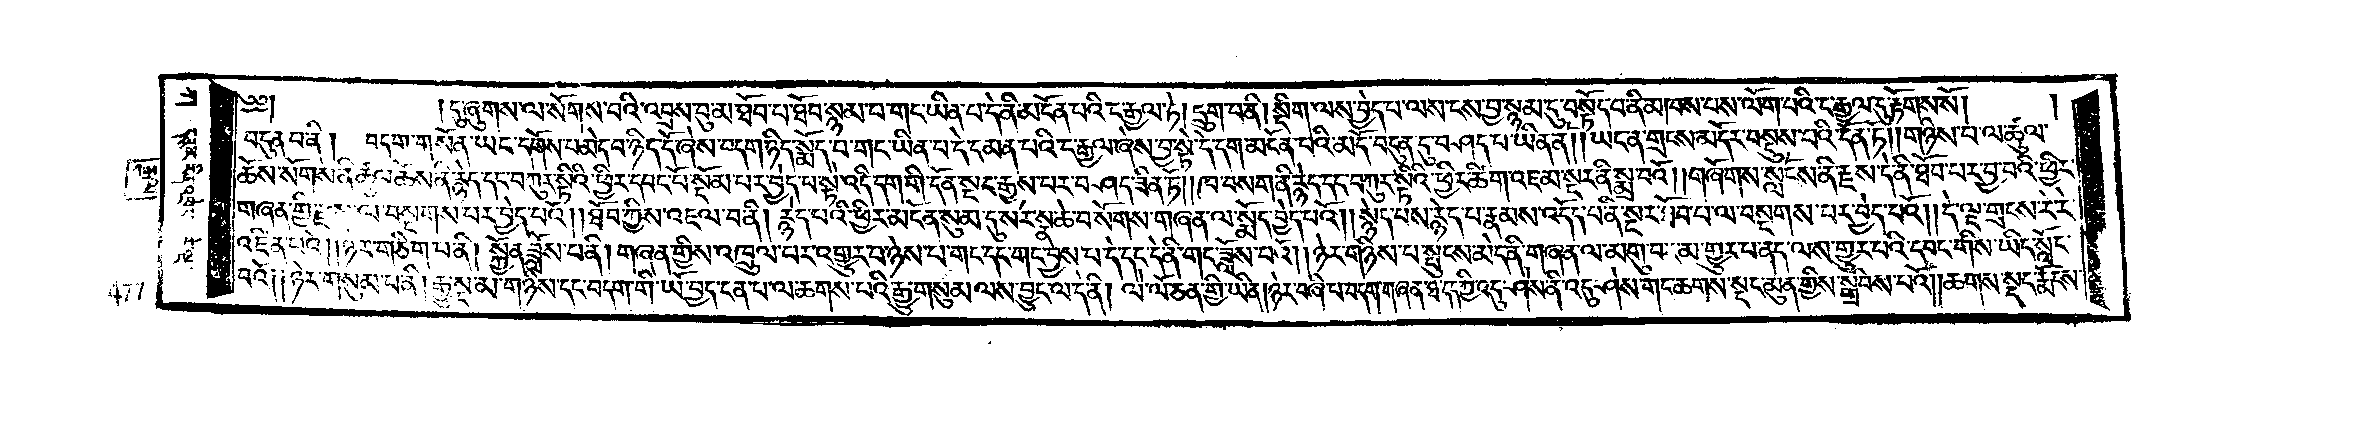༄༅། །དུ་ཞུགས་ལ་སོགས་པའི་འབྲས་བུ་མ་ཐོབ་པ་ཐོབ་སྙམ་པ་གང་ཡིན་པ་དེ་ནི་མངོན་པའི་ང་རྒྱལ་ཏེ། དྲུག་པ་ནི། སྡིག་ལས་བྱེད་པ་ལས་ངས་བྱ་སྙམ་དུ་བསྟོད་པ་ནི་མཁས་པས་ལོག་པའི་ང་རྒྱལ་དུ་རྟོགས་སོ། །
བདུན་པ་ནི། བདག་གསོན་ཡང་དགོས་པ་མེད་པ་ཉིད་དོ་ཞེས་བདག་ཉིད་སྨོད་པ་གང་ཡིན་པ་དེ་དམན་པའི་ང་རྒྱལ་ཞེས་བྱ་སྟེ་དེ་དག་མངོན་པའི་མདོ་བདུན་དུ་བཤད་པ་ཡིན་ནོ། །ཡང་ན་གྲངས་མདོར་བསྡུས་པའི་དོན་ཏོ། །གཉིས་པ་ལ་ཚུལ་
ཆོས་སོགས་ནི་ཚུལ་ཆོས་ནི་རྙེད་དང་བཀུར་སྟིའི་ཕྱིར་དབང་པོ་སྡོམ་པར་བྱེད་པ་སྟེ་འདི་དག་གི་དོན་སྔར་རྒྱས་པར་བཤད་ཟིན་ཏོ། །ཁ་བསག་ནི་རྙེད་དང་བཀུར་སྟིའི་ཕྱིར་ཚིགས་འཇམ་སྔར་ནི་སྨྲ་བའོ། །གཞོག་སློངས་ནི་རྗས་དེ་ནི་ཐོབ་པར་བྱ་བའི་ཕྱིར་
གཞན་གྱི་རྫས་ལ་བསྔགས་པར་བྱེད་པའོ། །ཐོབ་ཀྱིས་འཇལ་བ་ནི། རྙེད་པའི་ཕྱིར་མངོན་སུམ་དུ་སེར་སྣ་ཆེ་བ་སོགས་གཞན་ལ་སྨོད་བྱེད་པའོ། །སྙེད་པས་རྙེད་པར་རྣམས་འདོད་པ་ནི་སྔར་ཐོབ་པ་ལ་བསྔགས་པར་བྱེད་པའོ། །དེ་ལྔ་གྲངས་རེ་རེ་
འཛིན་པའོ། །ཉེར་གཅིག་པ་ནི། སྐྱོན་ཟློས་པ་ནི། གཞན་གྱིས་འཁྲུལ་པར་འགྱུར་བ་ཉེས་པ་གང་དང་གང་བྱས་པ་དེ་དང་དེ་ནི་གང་ཟློས་པའོ། །ཉེར་གཉིས་པ་སྤུངས་མེད་ནི་གཞན་ལ་མགུ་བར་མ་གྱུར་པ་ནད་ལས་གྱུར་པའི་དབང་གིས་ཡིད་སློང་
བའོ། །ཉེར་གསུམ་པ་ནི། རྒྱུ་སྔ་མ་གཉིས་དང་བདག་གི་ཡོ་བྱད་ངན་པ་ལ་ཆགས་པའི་རྒྱུ་གསུམ་ལས་བྱུང་ལ་དེ་ནི། ལེ་ལོ་ཅན་གྱི་ཡིན། ཉེར་བཞི་པ་བདག་གཞན་ཐ་དད་ཀྱི་འདུ་ཤེས་ནི་འདུ་ཤེས་གང་ཆགས་སྡང་མུན་གྱིས་སྒྲིབས་པའོ། །ཆགས་སྡང་རྨོངས་